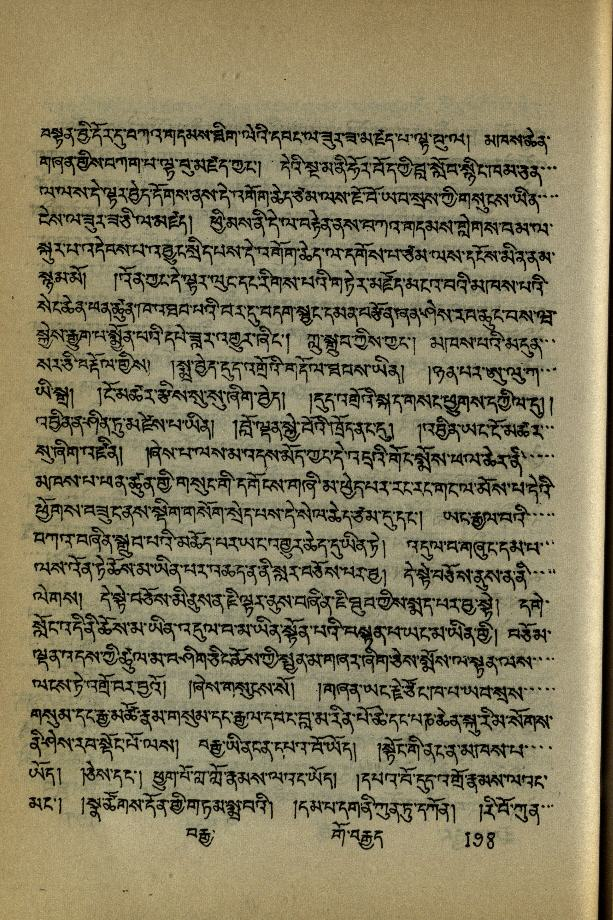བསྟན་བྱ་དོར་དུ་བཀའ་གདམས་ཐིག་ལེའི་དབང་ལ་ཟུར་ཟ་མཛད་པ་ལྟ་བུ་ལ། མཁས་ཆེན་
གཞན་གྱིས་བཀག་པ་ལྟ་བུ་མཛད་ཀྱང་། དེའི་སྔ་མ་ནི་ཧོར་བོད་ཀྱི་བླ་སློབ་སྙིང་ཁམ་ཅན་
ལ་ལས་དེ་ལྟར་བྱེད་དོགས་ནས་དེ་འགོག་ཆེད་ཙམ་ལས་ཇོ་བོ་ཡབ་སྲས་ཀྱི་གསུངས་ཡིན་
ངེས་ལ་ཟུར་ཟ་ཅི་ལ་མཛད། ཕྱི་མས་ནི་དེ་ལ་བརྟེན་ནས་བཀའ་གདམས་གླེགས་བམ་ལ་
སྐུར་པ་འདེབས་པ་འབྱུང་སྲིད་པས་དེ་འགོག་ཆེད་ལ་དགོས་པ་ཙམ་ལས་དངོས་མིན་ནམ་
སྙམ་མོ། །འོན་ཀྱང་དེ་ལྟར་ལུང་དང་རིགས་པའི་གཏེར་མཛོད་མངའ་བའི་མཁས་པའི་
སེང་ཆེན་ཕན་ཚུན་ཁ་འཐབ་པའི་བར་དུ་བདག་སྦྱང་དམན་བརྩོན་ཞན་ཤེས་རབ་ཆུང་བས་ཝ་
སྐྱེས་རྒྱུག་པ་སྨྱོན་པའི་དཔེ་ཟླར་འགྱུར་ཞིང་། ཀླུ་སྒྲུབ་ཀྱིས་ཀྱང་། མཁས་པའི་མདུན་
སར་ཅི་བརྡོལ་གྱིས། །སྨྲ་བྱེད་དུད་འགྲོའི་གདོལ་ཐབས་ཡིན། །ཉན་པར་ཨུ་ལུ་ཀ་
ཡི་སྒྲ། །ངོ་མཚར་རྩིས་སུ་སུ་ཞིག་བྱེད། །དུད་འགྲོའི་སྐད་གསང་ཕྱུགས་དཀྱིལ་དུ།།
འབྱིན་ན་ཤིན་ཏུ་མཛེས་པ་ཡིན། །བློ་ལྡན་སྐྱེ་བོའི་ཁྲོད་ནང་དུ། །འབྱིན་ཡང་ངོ་མཚར་
སུ་ཞིག་འཛིན། །ཞེས་པ་ལས་མ་འདས་མོད་ཀྱང་དེ་འདྲའི་གོང་སྨོས་ཕལ་ཆེར་ནི་
མཁས་པ་ཕན་ཚུན་གྱི་གསུང་གི་དགོངས་གཞི་མ་ཕྱེད་པར་རང་རང་གང་ལ་མོས་པ་དེའི་
ཕྱོགས་བཟུང་ནས་སྡིག་གསོག་སྲེད་པས་དེ་སེལ་ཆེན་ཙམ་དུ་དང་། ཡང་རྒྱལ་བའི་
བཀའ་བཞིན་སྒྲུབ་པའི་མཆོད་པར་ཡང་འགྱུར་ཆེད་དུ་ཡིན་ཏེ། འདུལ་བ་བཞུང་དམ་པ་
ལས་འོན་ཏེ་ཆོས་མ་ཡིན་པར་འཆད་ན་ནི་སླར་བཅོས་པར་བྱ། དེ་སྟེ་བཅོས་ནུས་ན་ནི་
ལེགས། དེ་སྟེ་བཅོས་མི་ནུས་ན་ཇི་ལྟར་ནུས་བཞིན་ཇི་ཐུབ་ཀྱིས་སྨད་པར་བྱ་སྟེ། དགེ་
སློང་འདི་ནི་ཆོས་མ་ཡིན་འདུལ་བ་མ་ཡིན་སྟོན་པའི་བསྟན་པ་ཡང་མ་ཡིན་གྱི། བཅོམ་
ལྡན་འདས་ཀྱི་ཚུལ་མ་བཤིག་ཅིང་ཆོས་ཀྱི་སྤྱན་མ་གཞར་ཞིག་ཅེས་སྨོས་ལ་སྟན་ལས་
ལངས་ཏེ་འགྲོ་བར་བྱའོ། །ཞེས་གསུངས་སོ། །གཞན་ཡང་རྗེ་ཙོང་ཁ་པ་ཡབ་སྲས་
གསུམ་དང་རྒྱ་མཚོ་རྣམ་གསུམ་དང་རྒྱལ་དབང་བླ་མ་རིན་པོ་ཆེ་དང་པཎ་ཆེན་སྐུ་རིམ་སོགས་
ནི་ཤེས་རབ་སྡོང་པོ་ལས། བརྒྱ་ཡིན་ངན་དཔའ་བོ་ཡོད། །སྟོང་གི་ནང་ན་མཁས་པ་
ཡོད། །ཅེས་དང་། ཕྱུག་པོ་ཀླ་ཀློ་རྣམས་ལའང་ཡོད། །དཔའ་བོ་དུད་འགྲོ་རྣམས་ལའང་
མང་། །སྣ་ཚོགས་དོན་གྱི་གཏམ་སྨྲ་བའི། །དམ་པ་དག་ནི་ཀུན་ཏུ་དཀོན། །རི་བོ་ཀུན་